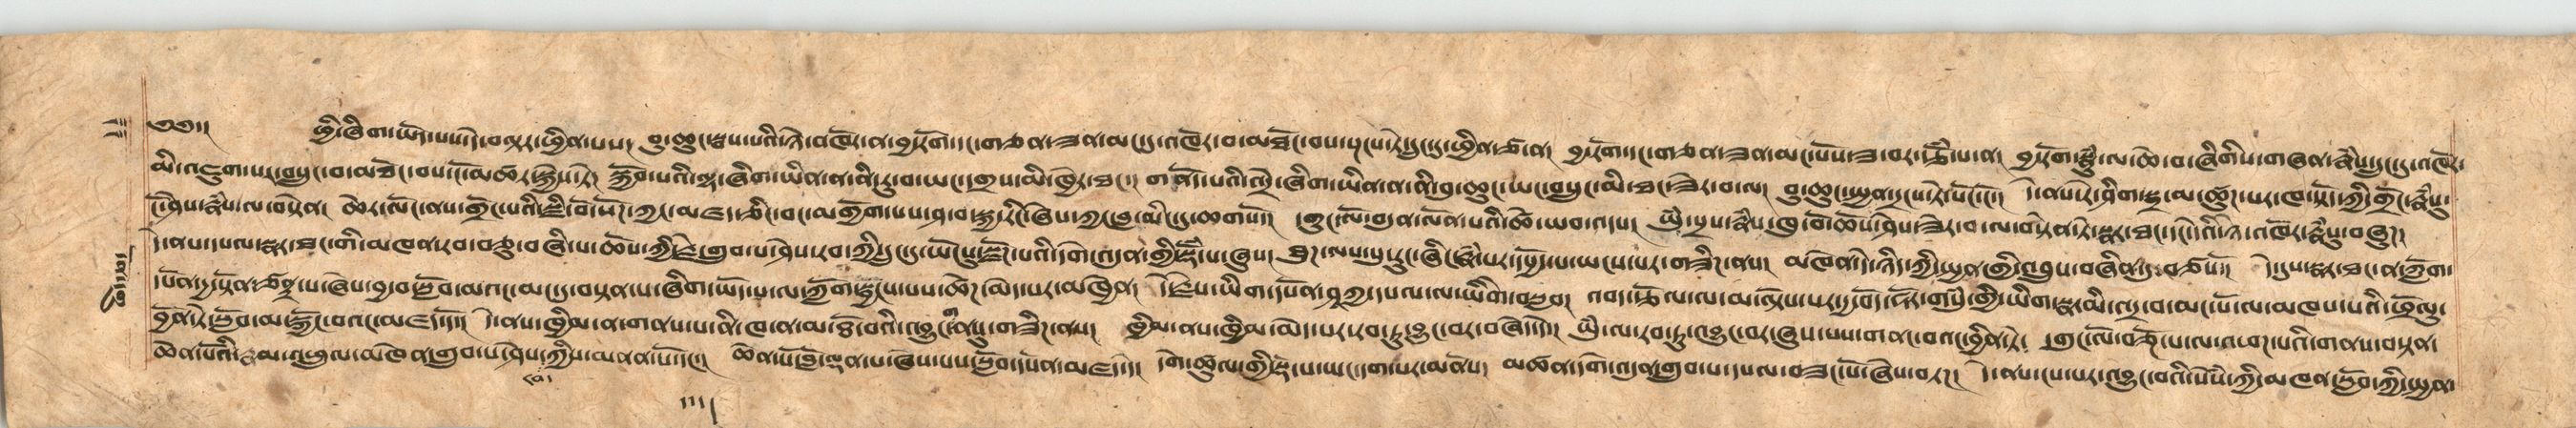༄༅་། ཕྱི་ཞིག་ཡོད་པཔ་དེ་བལྟར་ཕྱིན་པས། བུ་ཆུང་སྦས་པའི་ཉེ་བཁོར་ན་བྱ་རོག་དང་གཅན་ཟན་མང་དུ་འཁོར་བ་མཐོང་བས་སྔངས་ཏེ་དྲུང་དུ་ཕྱིན་ཙ་ན། བྱ་རོག་དང་གཅན་ཟན་མང་པོས་ཟ་བར་རྩོཾ་པ་ན། བྱ་རོག་སྣུཾ་ལ་ཆེ་བ་ཞིགིས་གཞན་རྣཾས་དྲུང་དུ་འཁོར་
མི་འཇུག་པར་བསྲུང་བ་མཐོང་བས་ངོ་མཚར་སྐྱེས་ཏེ། སྐྱོབ་པའི་ལྷ་ཞིག་ཡིན་ན་ནི་རུ་བ་ཡང་དགྲས་མི་ཁྱེར་ཐང་། གནོད་པའི་འདྲེ་ཞིག་ཡིན་ན་ནི་བུ་ཆུང་ཡང་བསྲུང་མི་ཐང་ཟེར་བ་ལ། བུ་ཆུང་སྤྱན་དྲངས་ཏེ་སོང་ངོ་། དེ་ནས་རེ་ཤིག་སྦྲ་མ་ཚུཌ་པར་ཁ་སྟོད་ཀྱི་གྲོང་རྣཾསུ་
ངོ་ཤེས་རྣཾས་ལ་བསྟེན། ཆེར་ལོང་ནས་གྲོང་པའི་སྫི་བོ་སོཌ་ཀྱང་མཛད་ཅིང་བང་མགྱོག་པས་ཤ་བ་སྐྱ་རིང་ཞེས་ཀྱང་བླ་མིང་དུ་ཆགསོ་། དགུང་ལོ་བདུན་ལོན་པའི་ཚེ་ཡབ་འདས། ཡུཾ་སྲས་རྣཾས་ཁུ་བོ་ཆོས་ཤེས་ཟེར་བ་ལ་བསྟེན་ཏེ་སྣར་ཐང་དང་དེའི་ཉེ་འཁོར་རྣཾསུ་བཞུཌ།
དེ་ནས་དཔལ་སྣར་ཐང་གི་མཁན་རབ་བཅུ་བཞི་པ་ཆོས་ཀྱི་རྗེ་གྲུབ་པ་ཤེས་རབ་ཀྱི་དྲུང་དུ་ཡོངསུ་སྫོཌ་པའི་དགེ་འདུན་གྱི་སྡོཾ་པ་ཞུས། ཐུཌ་ལས་སུ་རུང་ཞིང་རྣཾས་པར་དཔྱོད་པ་ཡངས་པར་གཟིཌ་ནས། མཁེན་དེ་ཉིད་ཀྱི་སྤྱན་གྱི་འབྲུས་བཞིན་དུ་བཙསོ་། དེ་དུས་སྣར་ཐང་ན་ཀློག་
དཔོན་དྱ་སྟོན་ཙནྟྲ་པ་ཞེས་བྱ་བ་སློབ་མའང་མང་དུ་བསྟན་པ་ཞིག་ཡོད་པ་ལ་ཀློག་སྦྱོངས་པས་ཚེཌ་མེད་པར་མཁྱེན། དེ་རྗེས་ཡིག་དཔོན་ཤཱཀྱ་དཔལ་ལ་ཡིགེ་བསླབ། འབད་རྩོལ་ལ་མ་ལྟོས་པར་དྱ་བོད་ཧོར་གསུཾ་གྱི་ཡིག་སྣར་མི་འདྲ་བ་མང་པོ་ལ་མཁས་པའི་ཕྲོལུ་
བྱོན་ཏེ་སློབ་མ་སྐྱོང་བའང་མཛད་དོ་། དེ་ནས་ཁྱིམ་ན་གནས་པ་ནི་ཁ་ན་མ་ཐོ་བའི་འབྱུང་ནསུ་གཟིཌ་ནས། ཁྱིམ་ནས་ཁྱིམ་མེད་པར་རབ་ཏུ་བྱུང་བར་བཞེད་དེ་། ཡུཾ་ལ་རབ་ཏུ་འབྱུང་བར་ཞུས་པས་གནང་བའང་བྱིན་ཏེ། དགུང་ལོ་བཅྔོ་པ་ལ་འཕཌ་པའི་གནས་བསྟན་
ཆེན་པོའི་རྣམ་འཕྲུལ་མཁེན་གྲུབ་པ་ཤེས་ཀྱིས་མནན་སོ་དང་། ཆེན་པོ་བློ་ལྡན་པ་ཞེས་པས་སློབ་དཔོན་མཛད་དེ། དགེ་ཚུལ་གྱི་སྡོ་པ་ཡང་དག་པར་མནོས། མཚན་དགེ་འདུན་གྲུབ་པ་དཔལ་བཟང་པོ་ཞེས་བཏཌ། དེ་ནས་ངས་པར་འབྱུང་བའི་སེཾས་ཀྱི་མཁན་སློབ་ཀྱི་སྤྱན་